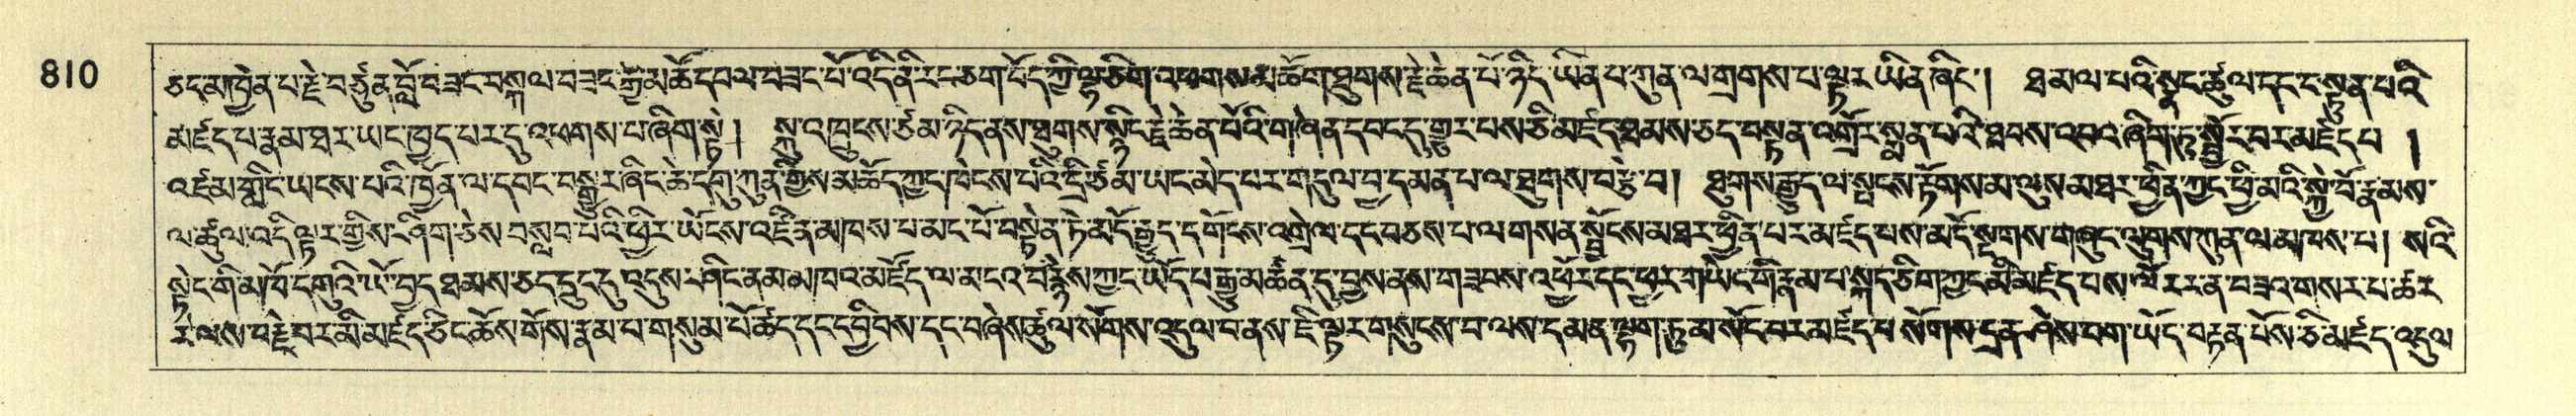ཅད་མཁྱེན་པ་རྗེ་བཙུན་བློ་བཟང་བསྐལ་བཟང་རྒྱ་མཚོ་དཔལ་བཟང་པོ་འདི་ནི་རང་ཅག་བོད་ཀྱི་ལྷ་ཅིག་འཕགས་མཆོག་ཐུགས་རྗེ་ཆེན་པོ་ཉིད་ཡིན་པ་ཀུན་ལ་གྲགས་པ་ལྟར་ཡིན་ཞིང་། ཐ་མལ་བའི་སྣང་ཚུལ་དང་བསྟུན་པའི་
མཛད་པ་རྣམ་ཐར་ཡང་ཁྱད་པར་དུ་འཕགས་པ་ཞིག་སྟེ། སྐུ་འཁྲུངས་ཙམ་ཉིད་ནས་ཐུགས་སྙིང་རྗེ་ཆེན་བོའི་གཞེན་དབང་དུ་གྱུར་པས་ཅི་མཛད་ཐམས་ཅད་བསྟན་འགྲོར་སྨན་པའི་ཐབས་འབའ་ཞིག་ཏུ་སྦྱོར་བར་མཛད་པ།
འཛམ་གླིང་ཡངས་པའི་ཁྱོན་ལ་དབང་བསྒྱུར་ཞིང་ཆེ་དགུ་ཀུན་གྱིས་མཆོད་ཀྱང་ཁེངས་པའི་དྲི་ཙམ་ཡང་མེད་པར་གདུལ་བྱ་དམན་པ་ལ་ཐུགས་བརྩེ་བ། ཐུགས་རྒྱུད་ལ་སྤངས་རྟོགས་མ་ལུས་མཐར་ཕྱིན་ཀྱང་ཕྱི་མའི་སྐྱེ་བོ་རྣམས་
ལ་ཚུལ་འདི་ལྟར་གྱིས་ཤིག་ཅེས་བསླབ་པའི་ཕྱིར་ཡོངས་འཛིན་མཁས་པ་མང་པོ་བསྟེན་ཏེ་མདོ་རྒྱུད་དགོངས་འགྲེལ་དང་བཅས་པ་ལ་གསན་སྦྱོངས་མཐར་ཕྱིན་པར་མཛད་པས་མདོ་སྔགས་གཞུང་ལུགས་ཀུན་ལ་མཁས་པ། སའི་
སྟེང་གི་མཁོ་དགུའི་ཡོ་བྱད་ཐམས་ཅད་དྲུང་དུ་འདུས་ཤིང་ནམ་མཁའ་མཛོད་ལ་མངའ་བརྙེས་ཀྱང་ཡོད་པ་རྒྱུ་མཚན་དུ་བྱས་ནས་གཟབས་འཕྱོར་དང་ཕྱར་གཡེང་གི་རྣམ་པ་སྐད་ཅིག་ཀྱང་མི་མཛད་པས་ལོ་རར་ན་བཟའ་གསར་པ་ཚར་
རེ་ལས་བརྗེ་བར་མི་མཛད་ཅིང་ཆོས་གོས་རྣམ་པ་གསུམ་པོ་ཚད་དང་དབྱིབས་དང་བཞེས་ཚུལ་སོགས་འདུལ་བ་ནས་ཇི་ལྟར་གསུངས་བ་ལས་དམན་ལྷག་ཏུ་མ་སོང་བར་མཛད་པ་སོགས་དྲན་ཤེས་བག་ཡོད་བརྟན་པོས་ཅི་མཛད་འདུལ་